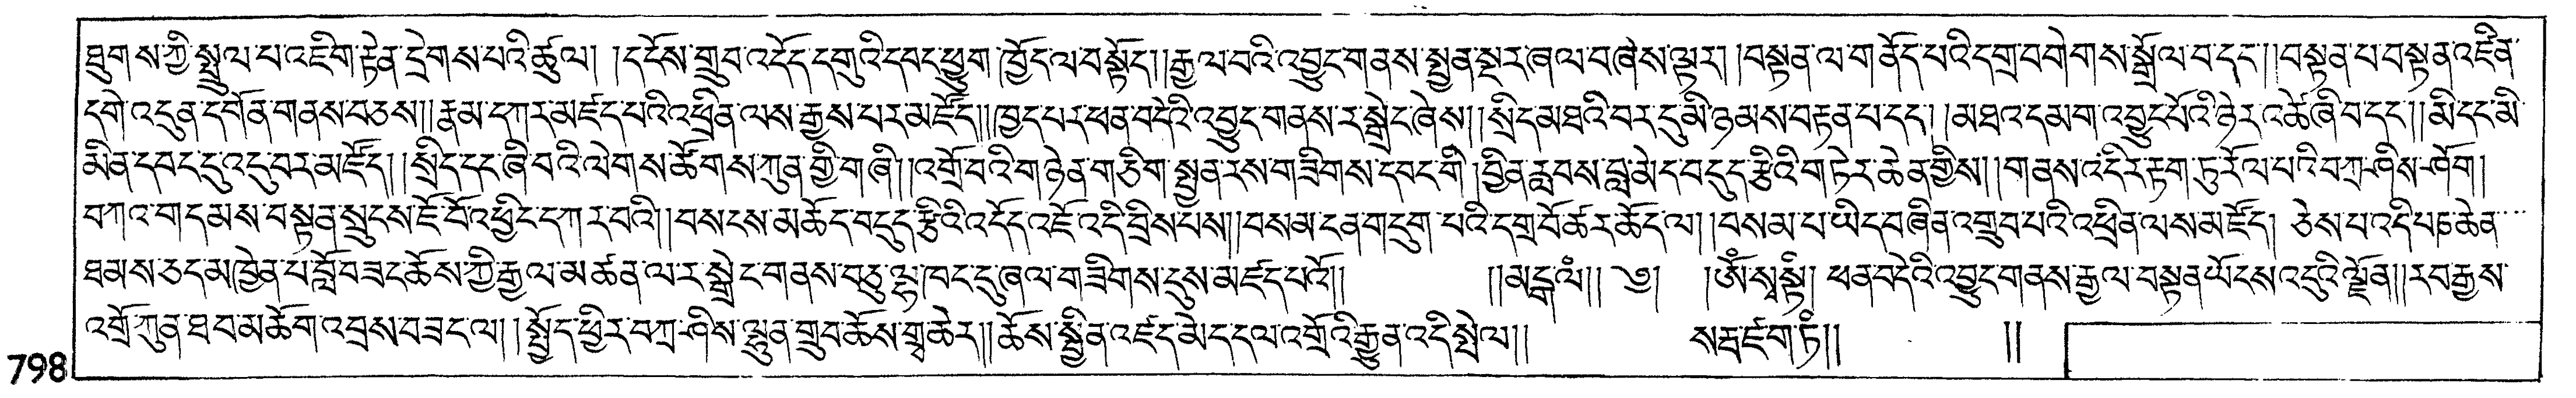ཐུགས་ཀྱི་སྤྲུལ་པ་འཇིག་རྟེན་དྲེགས་པའི་ཚུལ། །དངོས་གྲུབ་འདོད་དགུའི་དབང་ཕྱུག་ཁྱོད་ལ་བསྟོད། །རྒྱལ་བའི་འབྱུང་གནས་སྤྱན་སྔར་ཞལ་བཞེས་ལྟར། །བསྟན་ལ་གནོད་པའི་དགྲ་བགེགས་སྒྲོལ་བ་དང་། །བསྟན་པ་བསྟན་འཛིན་
དགེ་འདུན་དགོན་གནས་བཅས། །རྣམ་དཀར་མཛད་པའི་འཕྲིན་ལས་རྒྱས་པར་མཛོད། །ཁྱད་པར་ཕན་བདེའི་འབྱུང་གནས་ར་སྒྲེང་ཞེས། །སྲིད་མཐའི་བར་དུ་མི་ཉམས་བརྟན་པ་དང་། །མཐའ་དམག་འབྱུང་པོའི་ཉེར་འཚེ་ཞི་བ་དང་། །མི་དང་མི་
མིན་དབང་དུ་འདུ་བར་མཛོད། །སྲིད་དང་ཞི་བའི་ལེགས་ཚོགས་ཀུན་གྱི་གཞི། །འགྲོ་བའི་གཉེན་གཅིག་སྤྱན་རས་གཟིགས་དབང་གི །བྱིན་རླབས་བླ་མེད་བདུད་རྩིའི་གཏེར་ཆེན་གྱིས། །གནས་འདིར་རྟག་ཏུ་རོལ་པའི་བཀྲ་ཤིས་ཤོག །
བཀའ་གདམས་བསྟན་སྲུངས་ཇོ་བོ་འཕྱིང་དཀར་བའི། །བསངས་མཆོད་བདུད་རྩིའི་འདོད་འཇོ་འདི་བྲིས་པས། །བསམ་ངན་གདུག་པའི་དགྲ་བོ་ཚར་ཆོད་ལ། །བསམ་པ་ཡིད་བཞིན་འགྲུབ་པའི་འཕྲིན་ལས་མཛོད། ཅེས་པ་འདི་པཎ་ཆེན་
ཐམས་ཅད་མཁྱེན་པ་བློ་བཟང་ཆོས་ཀྱི་རྒྱལ་མཚན་ལ་ར་སྒྲེང་གནས་བཅུ་ལྷ་ཁང་དུ་ཞལ་གཟིགས་དུས་མཛད་པའོ།། །།མངྒ་ལཾ།། ༄༅། །ཨོཾ་སྭསྟི། ཕན་བདེའི་འབྱུང་གནས་རྒྱལ་བསྟན་ཡོངས་འདུའི་ལྗོན། །རབ་རྒྱས་
འགྲོ་ཀུན་ཐབ་མཆོག་འབྲས་བཟང་ལ། །སྤྱོད་ཕྱིར་བཀྲ་ཤིས་ལྷུན་གྲུབ་ཆོས་གྲྭ་ཆེར། །ཆོས་སྦྱིན་འཛད་མེད་དལ་འགྲོའི་རྒྱུན་འདི་སྤེལ།། སརྦ་ཛ་ག་ཏཾ།། །།